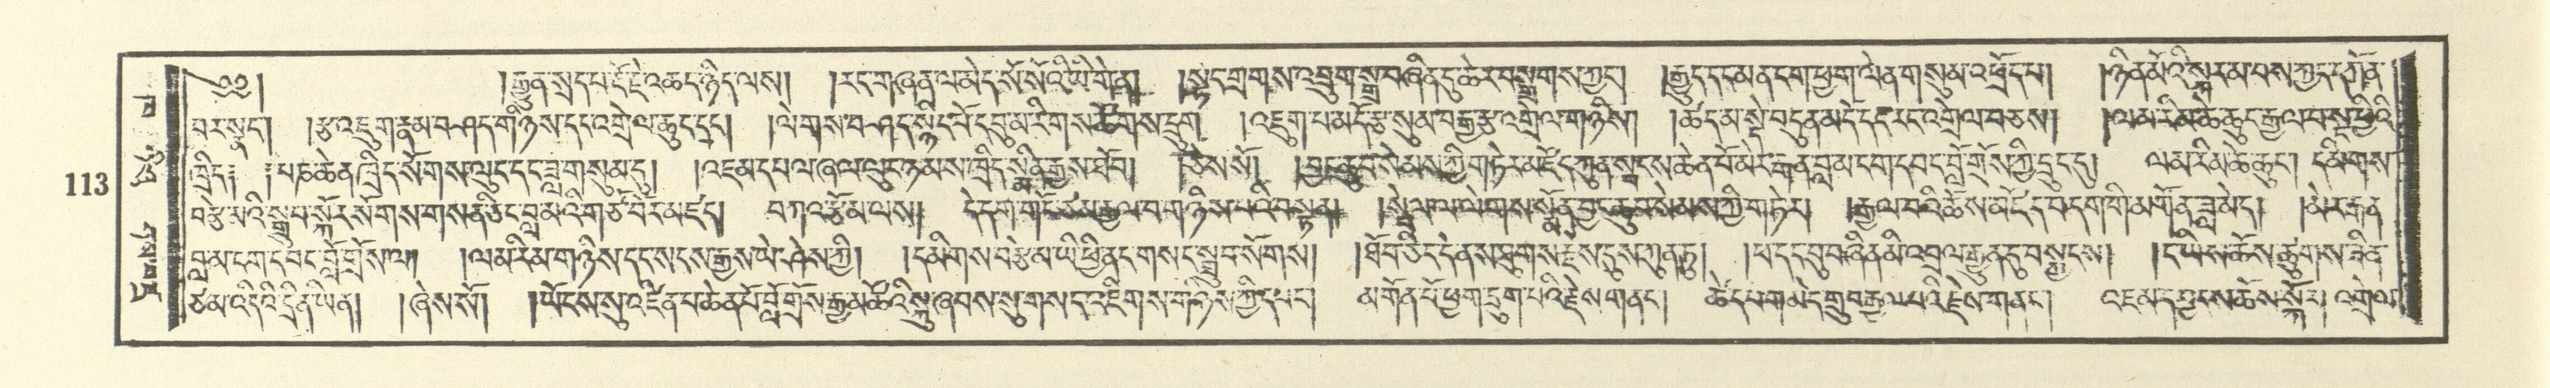༄༅། །རྒྱུན་སྲད་པ་རྡོ་རྗེ་འཆད་ཉིད་ལས། །རང་གཞན་ལ་མེད་སོ་སོའི་ཡི་གེ་ན། །སྟོང་གྲགས་འབྲུག་སྒྲ་བཞིན་དུ་ཆེར་བསྒྲགས་ཀྱང་། །རྒྱུད་དང་མན་ངག་ཕྱག་ལེན་གསུམ་འཕྲོད་པ། །ཉིན་མོའི་སྐར་མ་བས་ཀྱང་དཀོན་
བར་སྣང་། །རྩ་འཇུག་རྣམ་བཤད་གཉིས་དང་འགྲེལ་ཆུང་དང་། །ལེགས་བཤད་སྙིང་པོ་དབུ་མ་རིགས་ཚོགས་དྲུག །འཇུག་པ་མདོ་རྩ་སུམ་བརྒྱ་རྩ་འགྲེལ་གཉིས། །ཚད་མ་སྡེ་བདུན་མདོ་དང་རང་འགྲེལ་བཅས། །ལམ་རིམ་ཆེ་ཆུང་རྒྱལ་བ་སྔ་ཕྱིའི་
ཁྲིད༑ ༑པཎ་ཆེན་ཁྲིད་སོགས་ལུང་དང་ཟླ་གསུམ་དུ། །འཇམ་དཔལ་ཞལ་ལུང་ཉམས་ཁྲིད་སྨིན་རྒྱས་ཐོབ། །ཅེས་སོ། །བྱང་ཆུབ་སེམས་ཀྱི་གཏེར་མཛོད་ཀུན་སྤངས་ཆེན་པོ་མེར་རྒན་བླ་མ་ངག་དབང་བློ་གྲོས་ཀྱི་དྲུང་དུ། ལམ་རིམ་ཆེ་ཆུང་། དམིགས་
བརྩེ་མའི་སྒྲུབ་སྐོར་སོགས་གསན་ཅིང་བླ་མའི་གཙོ་བོར་མཛད། བཀའ་རྩོམ་ལས། དེ་དག་གོང་ཙམ་རྒྱལ་བ་གཉིས་པའི་བསྟན། །སྤེལ་ལ་ལེགས་སྨོན་བྱང་ཆུབ་སེམས་ཀྱི་གཏེར། །རྒྱལ་བའི་ཆོས་མཛོད་བདག་གི་མགོན་ཟླ་མེད། །མེར་རྒན་
བླ་མ་ངག་དབང་བློ་གྲོས་ལ། །ལམ་རིམ་གཉིས་དང་སངས་རྒྱས་ཡེ་ཤེས་ཀྱི། །དམིགས་བརྩེ་མ་ཡི་ཕྱི་ནང་གསང་སྒྲུབ་སོགས། །ཐོབ་ཅིང་དེ་ནས་ཐུགས་རྗེས་དུས་ཀུན་ཏུ། །ཕ་དང་བུ་བཞིན་མི་འབྲལ་རྒྱུན་དུ་བསྐྱངས། །ང་ཡིས་ཆོས་ཚུགས་ཟིན་
ཙམ་འདིའི་དྲིན་ཡིན། །ཞེས་སོ། །ཡོངས་སུ་འཛིན་པ་ཆེན་པོ་བློ་གྲོས་རྒྱ་མཚོའི་སྐུ་ཞབས་སུ་གསང་འཇིགས་གཉིས་ཀྱི་དཔང་། མགོན་པོ་ཕྱག་དྲུག་པའི་རྗེས་གནང་། ཚེ་དཔག་མེད་གྲུབ་རྒྱལ་མའི་རྗེས་གནང་། འཇམ་དབྱངས་ཆོས་སྐོར། འགྲེལ་